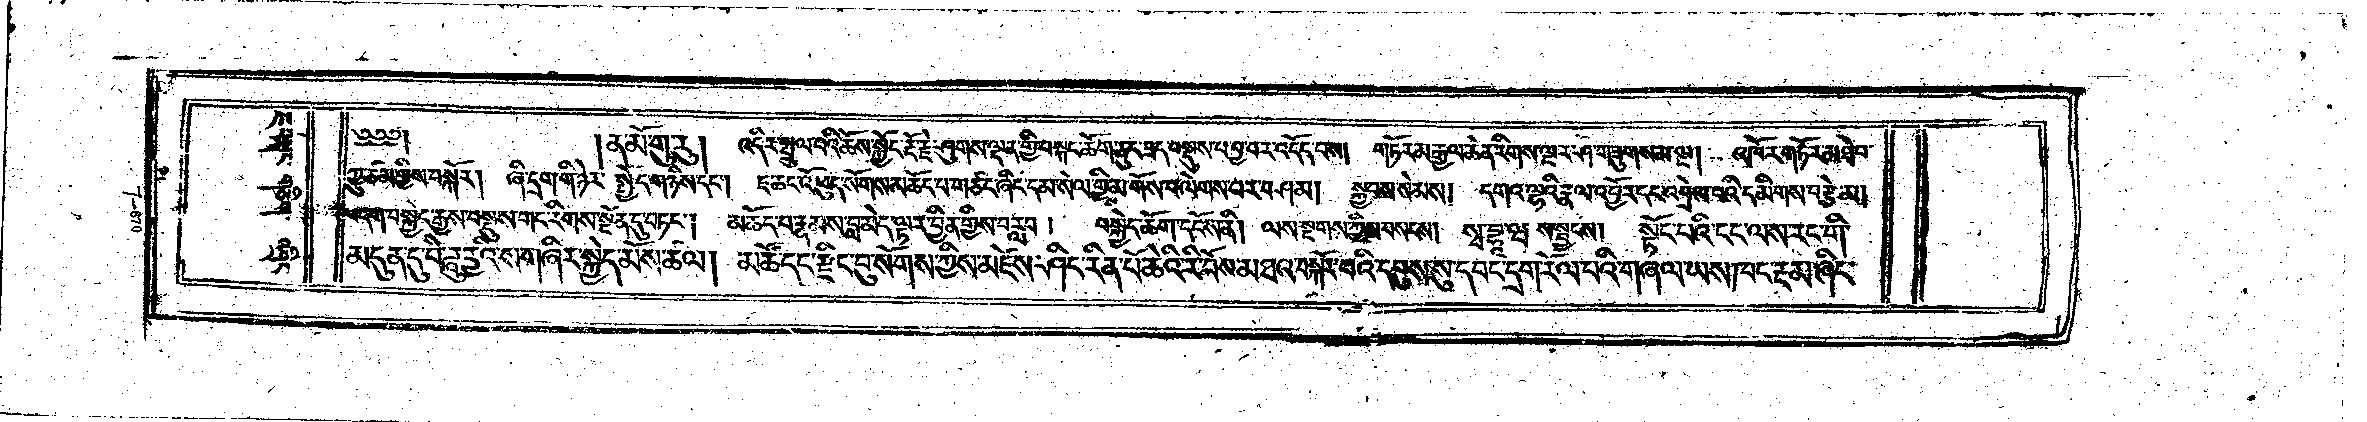༄༅༅། །ན་མོ་གུ་རུ། འདིར་སྤྲུལ་པའི་ཆོས་སྐྱོང་རྡོ་རྗེ་ཤུགས་ལྡན་གྱི་བསྐང་ཆོག་ཅུང་ཟད་བསྡུས་པ་བྱ་བར་འདོད་པས། གཏོར་མ་རྒྱལ་ཆེན་རིགས་སྔར་ཤ་གཟུགས་མ་ལྔ། འཁོར་གཏོར་མཐེབ་
ཀྱུ་ཙམ་གྱིས་བསྐོར། ཞི་དྲག་གི་ཉེར་སྤྱོད་གཉིས་དང་། ཇ་ཆང་འོ་ཕུད་སོགས་མཆོད་བ་གཙང་ཞིང་དམ་སེལ་གྱིས་མ་གོས་བ་ལེགས་བར་བཤམ། སྐྱབས་སེམས། དགའ་ལྷའི་རྣལ་འབྱོར་དང་འབྲེལ་བའི་དམིགས་བརྩེ་མ།
བདག་བསྐྱེད་རྒྱས་བསྡུས་གང་རིགས་སྔོན་དུ་བཏང་། མཆོད་བ་རྣམས་བླ་མེད་ལྟར་བྱིན་གྱིས་བརླབ། བསྐྱེད་ཆོག་དངོས་ནི། ལས་སྔགས་ཀྱིས་བསངས། སྭ་བྷཱ་ཝ་ས་སྦྱངས།  སྟོང་བའི་ངང་ལས་རང་གི་
མདུན་དུ་པཻ་ཌཱུརྱའི་ས་གཞིར་སྐྱེད་མོས་ཚལ། མཚོ་དང་རྫིང་བུ་སོགས་ཀྱིས་མཛེས་ཤིང་རིན་པོ་ཆེའི་རི་བོས་མཐའ་བསྐོར་བའི་དབུས་སུ་དབང་དྲག་རོལ་བའི་གཞལ་ཡས་ཁང་རྔ་མ་ཞིང་